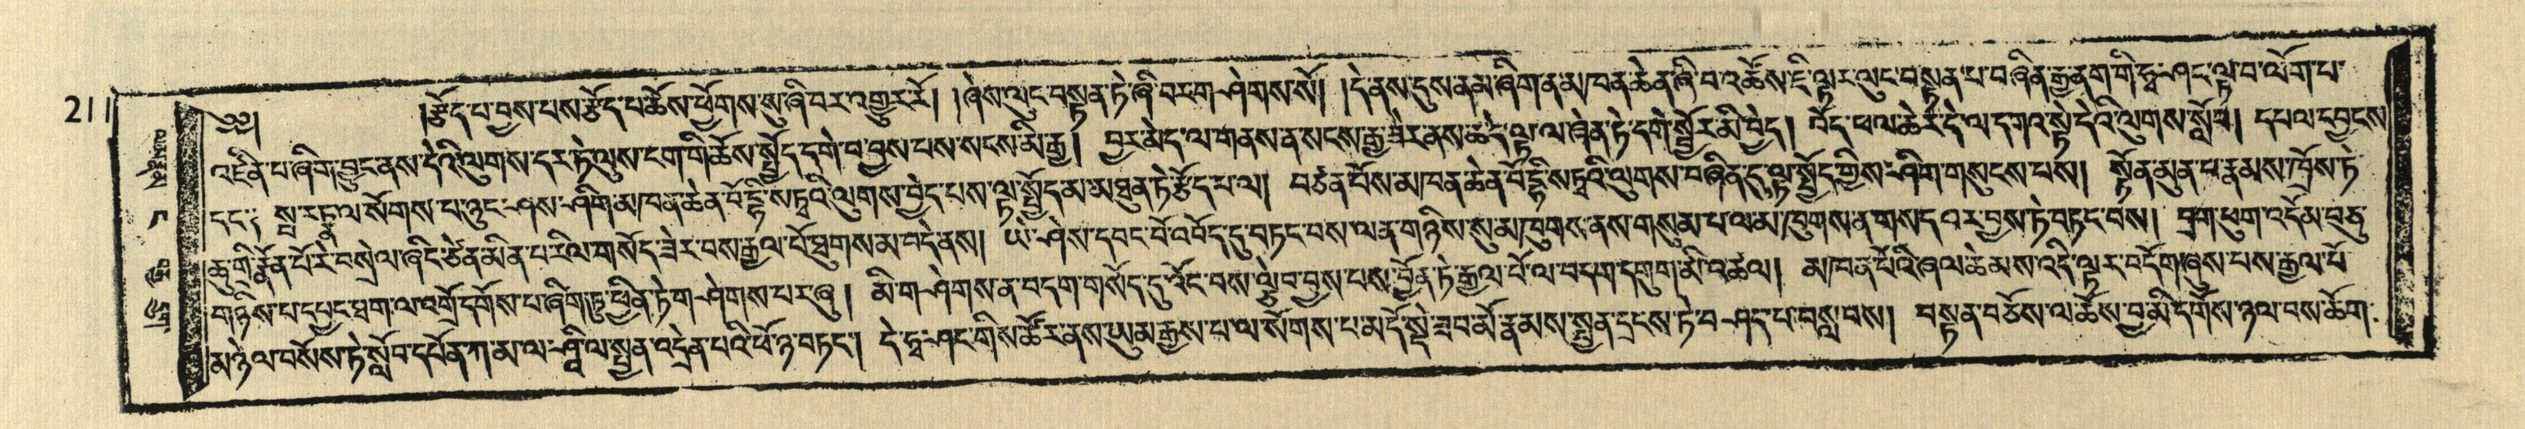༄༅། །རྩོད་པ་བྱས་པས་རྩོད་པ་ཆོས་ཕྱོགས་སུ་ཞི་བར་འགྱུར་རོ། །ཞེས་ལུང་བསྟན་ཏེ་ཞི་བར་གཤེགས་སོ། །དེ་ནས་དུས་ནམ་ཞིག་ན་མཁན་ཆེན་ཞི་བ་འཚོས་ཇི་ལྟར་ལུང་བསྟན་པ་བཞིན་རྒྱ་ནག་གི་ཧྭ་ཤང་ལྟ་བ་ལོག་པ་
འཛིན་པ་ཞིག་བྱུང་ནས་དེའི་ལུགས་དར་ཏེ་ལུས་ངག་གི་ཆོས་སྤྱོད་དགེ་བ་བྱས་པས་སངས་མི་རྒྱ། བྱར་མེད་ལ་གནས་ན་སངས་རྒྱས་ཟེར་ནས་ཆ་དེ་ལྟ་ལ་ཞེན་ཏེ་དགེ་སྦྱོར་མི་བྱེད། འོད་ཕལ་ཆེར་དེ་ལ་དགའ་སྟེ་དེའི་ལུགས་སློབ། དཔལ་དབྱངས་
དང༑ སྦ་རཏྣ་ལ་སོགས་པ་ཉུང་ཤས་ཤིག་མཁན་ཆེན་བོདྷི་སཏྭའི་ལུགས་བྱེད་པས་ལྟ་སྤྱོད་མ་མཐུན་ཏེ་རྩོད་པ་ལ། བཙན་པོས་མཁན་ཆེན་བོདྷི་སཏྭའི་ལུགས་བཞིན་དུ་ལྟ་སྤྱོད་གྱིས་ཤིག་གསུངས་པས། སྟོན་མུན་པ་རྣམས་ཁྲོས་ཏེ་
ཆུ་གྲི་རྣོན་པོ་རེ་བསྲེལ་ཞིང་ཙེན་མིན་པ་རིལ་གསོད་ཟེར་བས་རྒྱལ་པོ་ཐུགས་མ་བདེ་ནས། ཡེ་ཤེས་དབང་པོ་འབོད་དུ་བཏང་པས་ལན་གཉིས་སུ་མཁུགས་ནས་གསུམ་པ་ལ་མ་ཁུགས་ན་གསད་བར་བྱས་ཏེ་བཏང་བས། བྲག་ཕུག་འདོམ་བཅུ་
གཉིས་པ་དཔྱང་ཐག་ལ་འགྲོ་དགོས་པ་ཞིག་ཏུ་ཕྱིན་ཏེ་གཤེགས་པར་ཞུ། མི་གཤེགས་ན་བདག་གསོད་དུ་འོང་བས་ལྕེ་བ་བྱས་པས་བྱོན་ཏེ་རྒྱལ་པོ་ལ་བདག་དགུག་མི་འཚལ། མཁན་པོའི་ཞལ་ཆེམས་འདི་ལྟར་བདོག་ཞུས་པས་རྒྱལ་པོ་
མཉེལ་བསོས་ཏེ་སློབ་དཔོན་ཀ་མ་ལ་ཤཱི་ལ་སྤྱན་འདྲེན་པའི་ཕོ་ཉ་བཏང་། དེ་ཧྭ་ཤང་གིས་ཚོར་ནས་ཡུམ་རྒྱས་པ་ལ་སོགས་པ་མདོ་སྡེ་ཟབ་མོ་རྣམས་སྤྱན་དྲངས་ཏེ་བཤད་པ་བསླབས། བསྟན་བཅོས་ལ་ཆོས་བྱ་མི་དགོས་ཉལ་བས་ཆོ་ག་